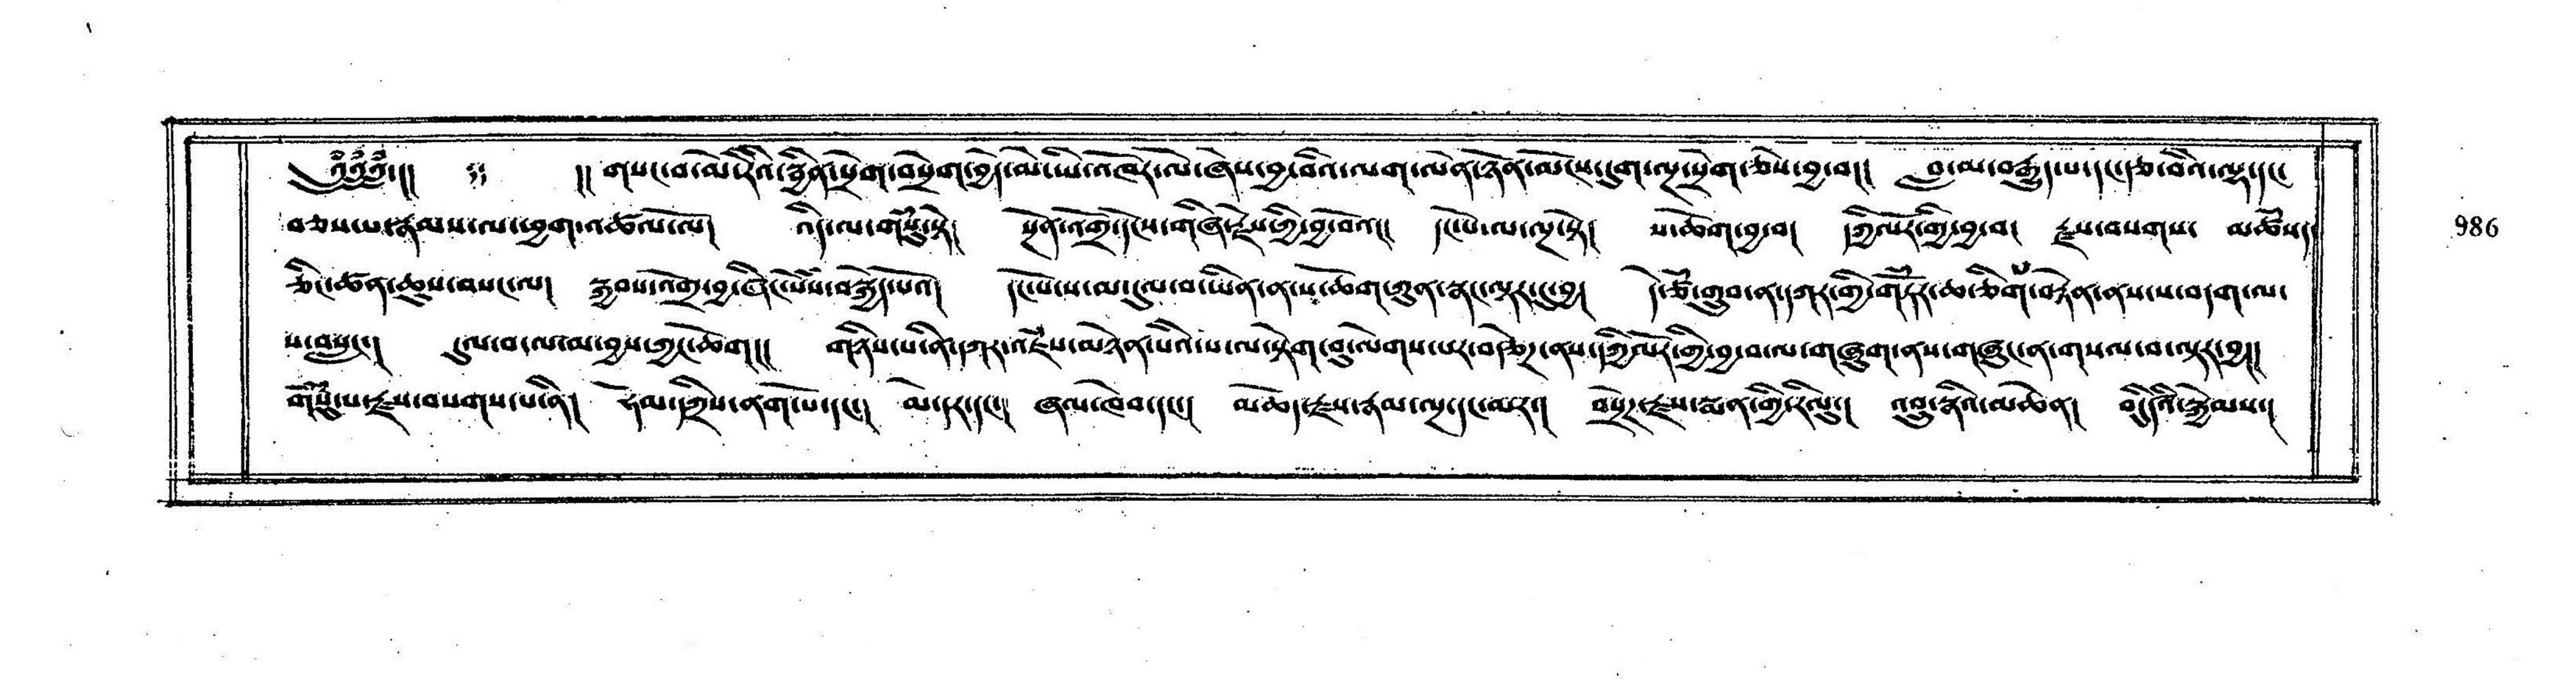༄༅༅།། །།གསང་བ་མེ་རིའི་སྦྱིན་སྲེག་སྲེག་བྱེད་མེ་ཡི་འཁོར་ལོ་ཞེས་བྱ་བའི་ལག་ལེན་ཉོན་མོངས་དུག་ལྔ་སྲེག་ཅེས་བྱ་བ།། བླ་མ་བརྒྱུད་པ་དང་
རྩ་བའི་ལྷ་དང་བཅས་པ་རྣམས་ལ་ཕྱག་འཚལ་ལོ། འདི་ལ་གསུམ་སྟེ། སྔོན་འགྲོ་དངོས་གཞི་རྗེས་ཀྱི་བྱ་བའོ།། དང་པོ་ལ་ལྔ་སྟེ། ས་ཆོག་བྱ་བ། དཀྱིལ་འཁོར་གྱི་བྱ་བ། རྫས་བསགས་མཚམས་
བཅད་ཅིང་ཚན་ཆུས་བསང་ལ། སྐྱབས་འགྲོ་བྱ་ཞིང་སེམས་བསྐྱེད་པའོ། དང་པོ་ས་མ་དུལ་བ་ཡིན་ན་ས་ཆོག་ཀུན་སྣང་ལྟར་དུ་བྱ། དེ་ཙམ་གྲུབ་ན་དཀར་གྱི་གཏོར་མ་ཆ་ཅིག་བརྟེན་ནས་ས་བདག་ལ་
ས་བསླང་། དུལ་བ་ལ་མ་བྱས་ཀྱང་ཆོག །། གཉིས་པ་ནི་དཀར་འཇམ་མཉེན་པའི་ས་ལ་སྟེག་བུ་ལེགས་པར་བརྩེགས་ནས་དཀྱིལ་འཁོར་གྱི་བྱ་བ་ལ་གཞུག་ནས་གཞུང་ན་གསལ་བ་ལྟར་བྱ།། 
གསུམ་པ་རྫས་བསགས་པ་ནི། ཧོམ་དཀྲིས་ནག་པོ་དང་། མེ་དར་དང་། ཞལ་ཁེབ་དང་། མཆོད་རྫས་རྣམ་ལྔ་དང་མར། བསྲེགས་རྫས་སྨན་གྱི་རིལ་བུ། འབྲུ་སྣའི་མཆན། བདུད་རྩིའི་སྐྱེམས།